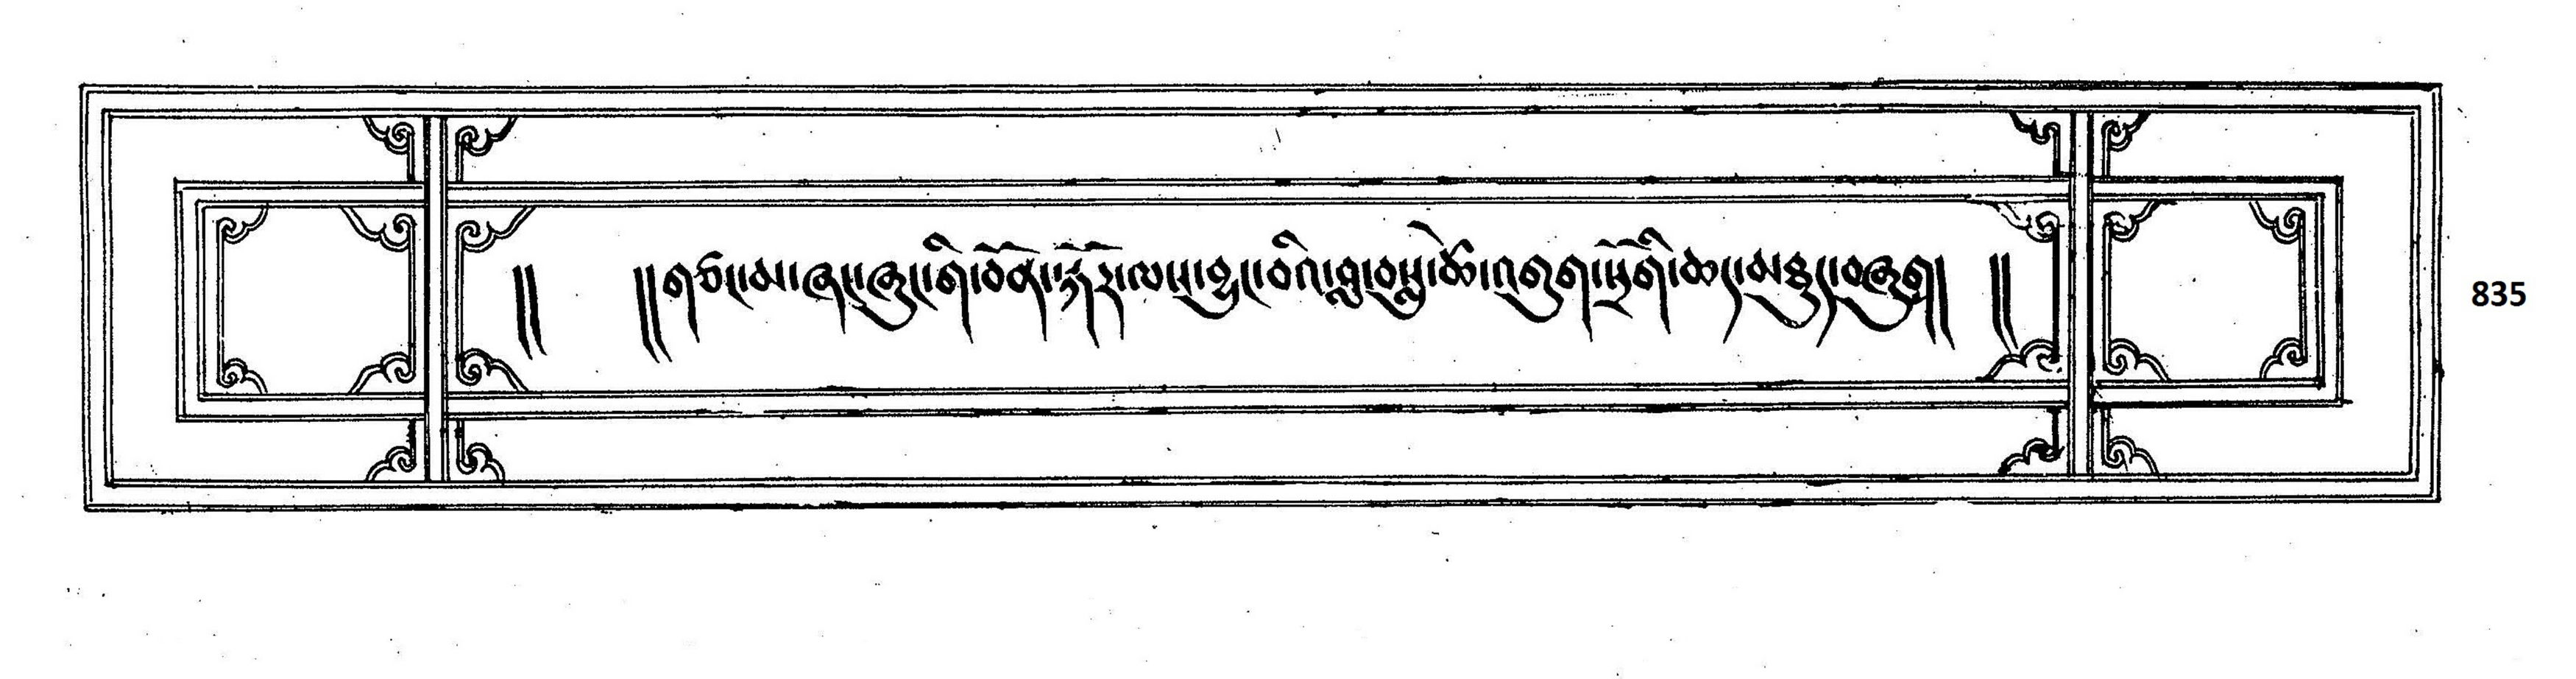།། །།གཙང་མ་ཞང་ཞུང་གི་བོན་སྐོར་ལས་བྱུང་བའི་བླ་བསླུ་ཚེ་འགུག་སྲོག་གི་ཆད་མཐུད་བཞུགས།། །།